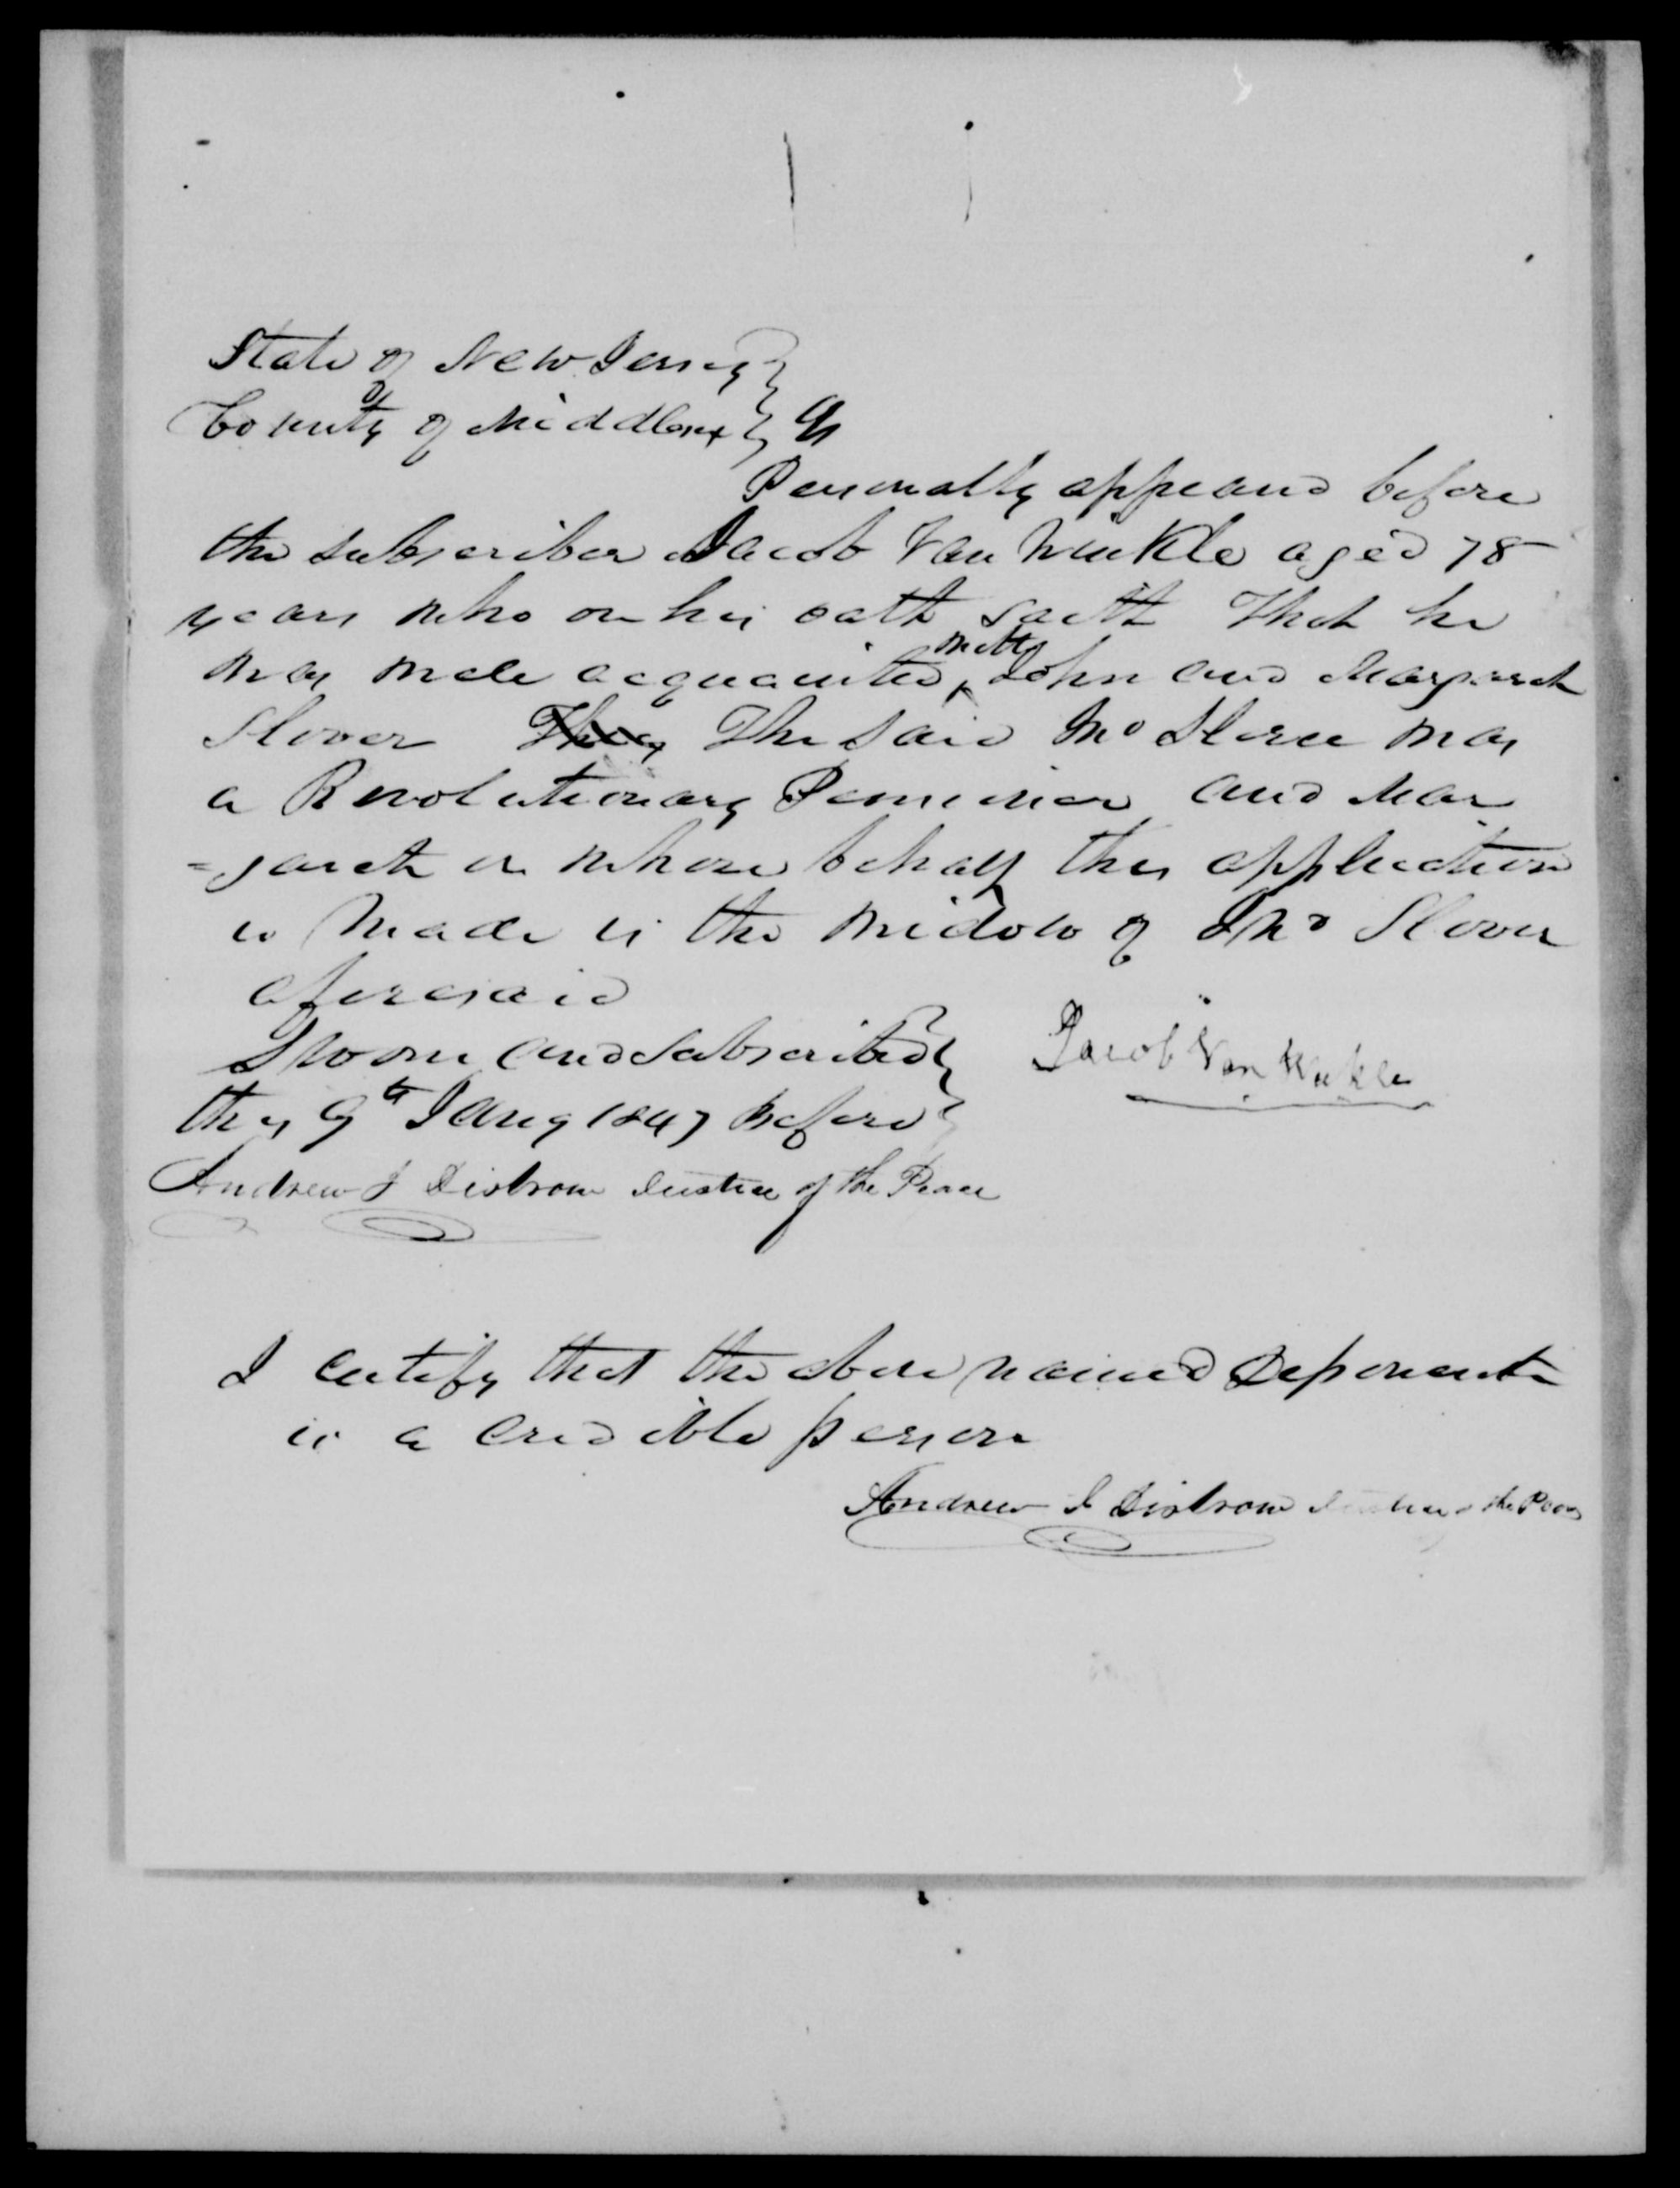State of New Jersey
County of Middlesex//

Personally appeared before the subscriber, Jacob Van Winkle, 78 years, who on his oath saith that he only made acquaintance [with] John and Margaret Slover. [crossed out: They] The said Jno. Slover was a Revolutionary Pensioner and Margaret, or whose behalf this application is made, is the widow of Jno. Slover aforesaid.
s/ Jacob Van Winkle

Sworn and subscribed this 9th Jan. 1847 before.
s/ Andrew J. Disbrow, Justice of the Peace

I certify that the above named deponent is a credible person.
s/ Andrew J. Disbrow, Justice of the Peace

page: 10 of 46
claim: widow's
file: W. 6205, for John Slover, New Jersey